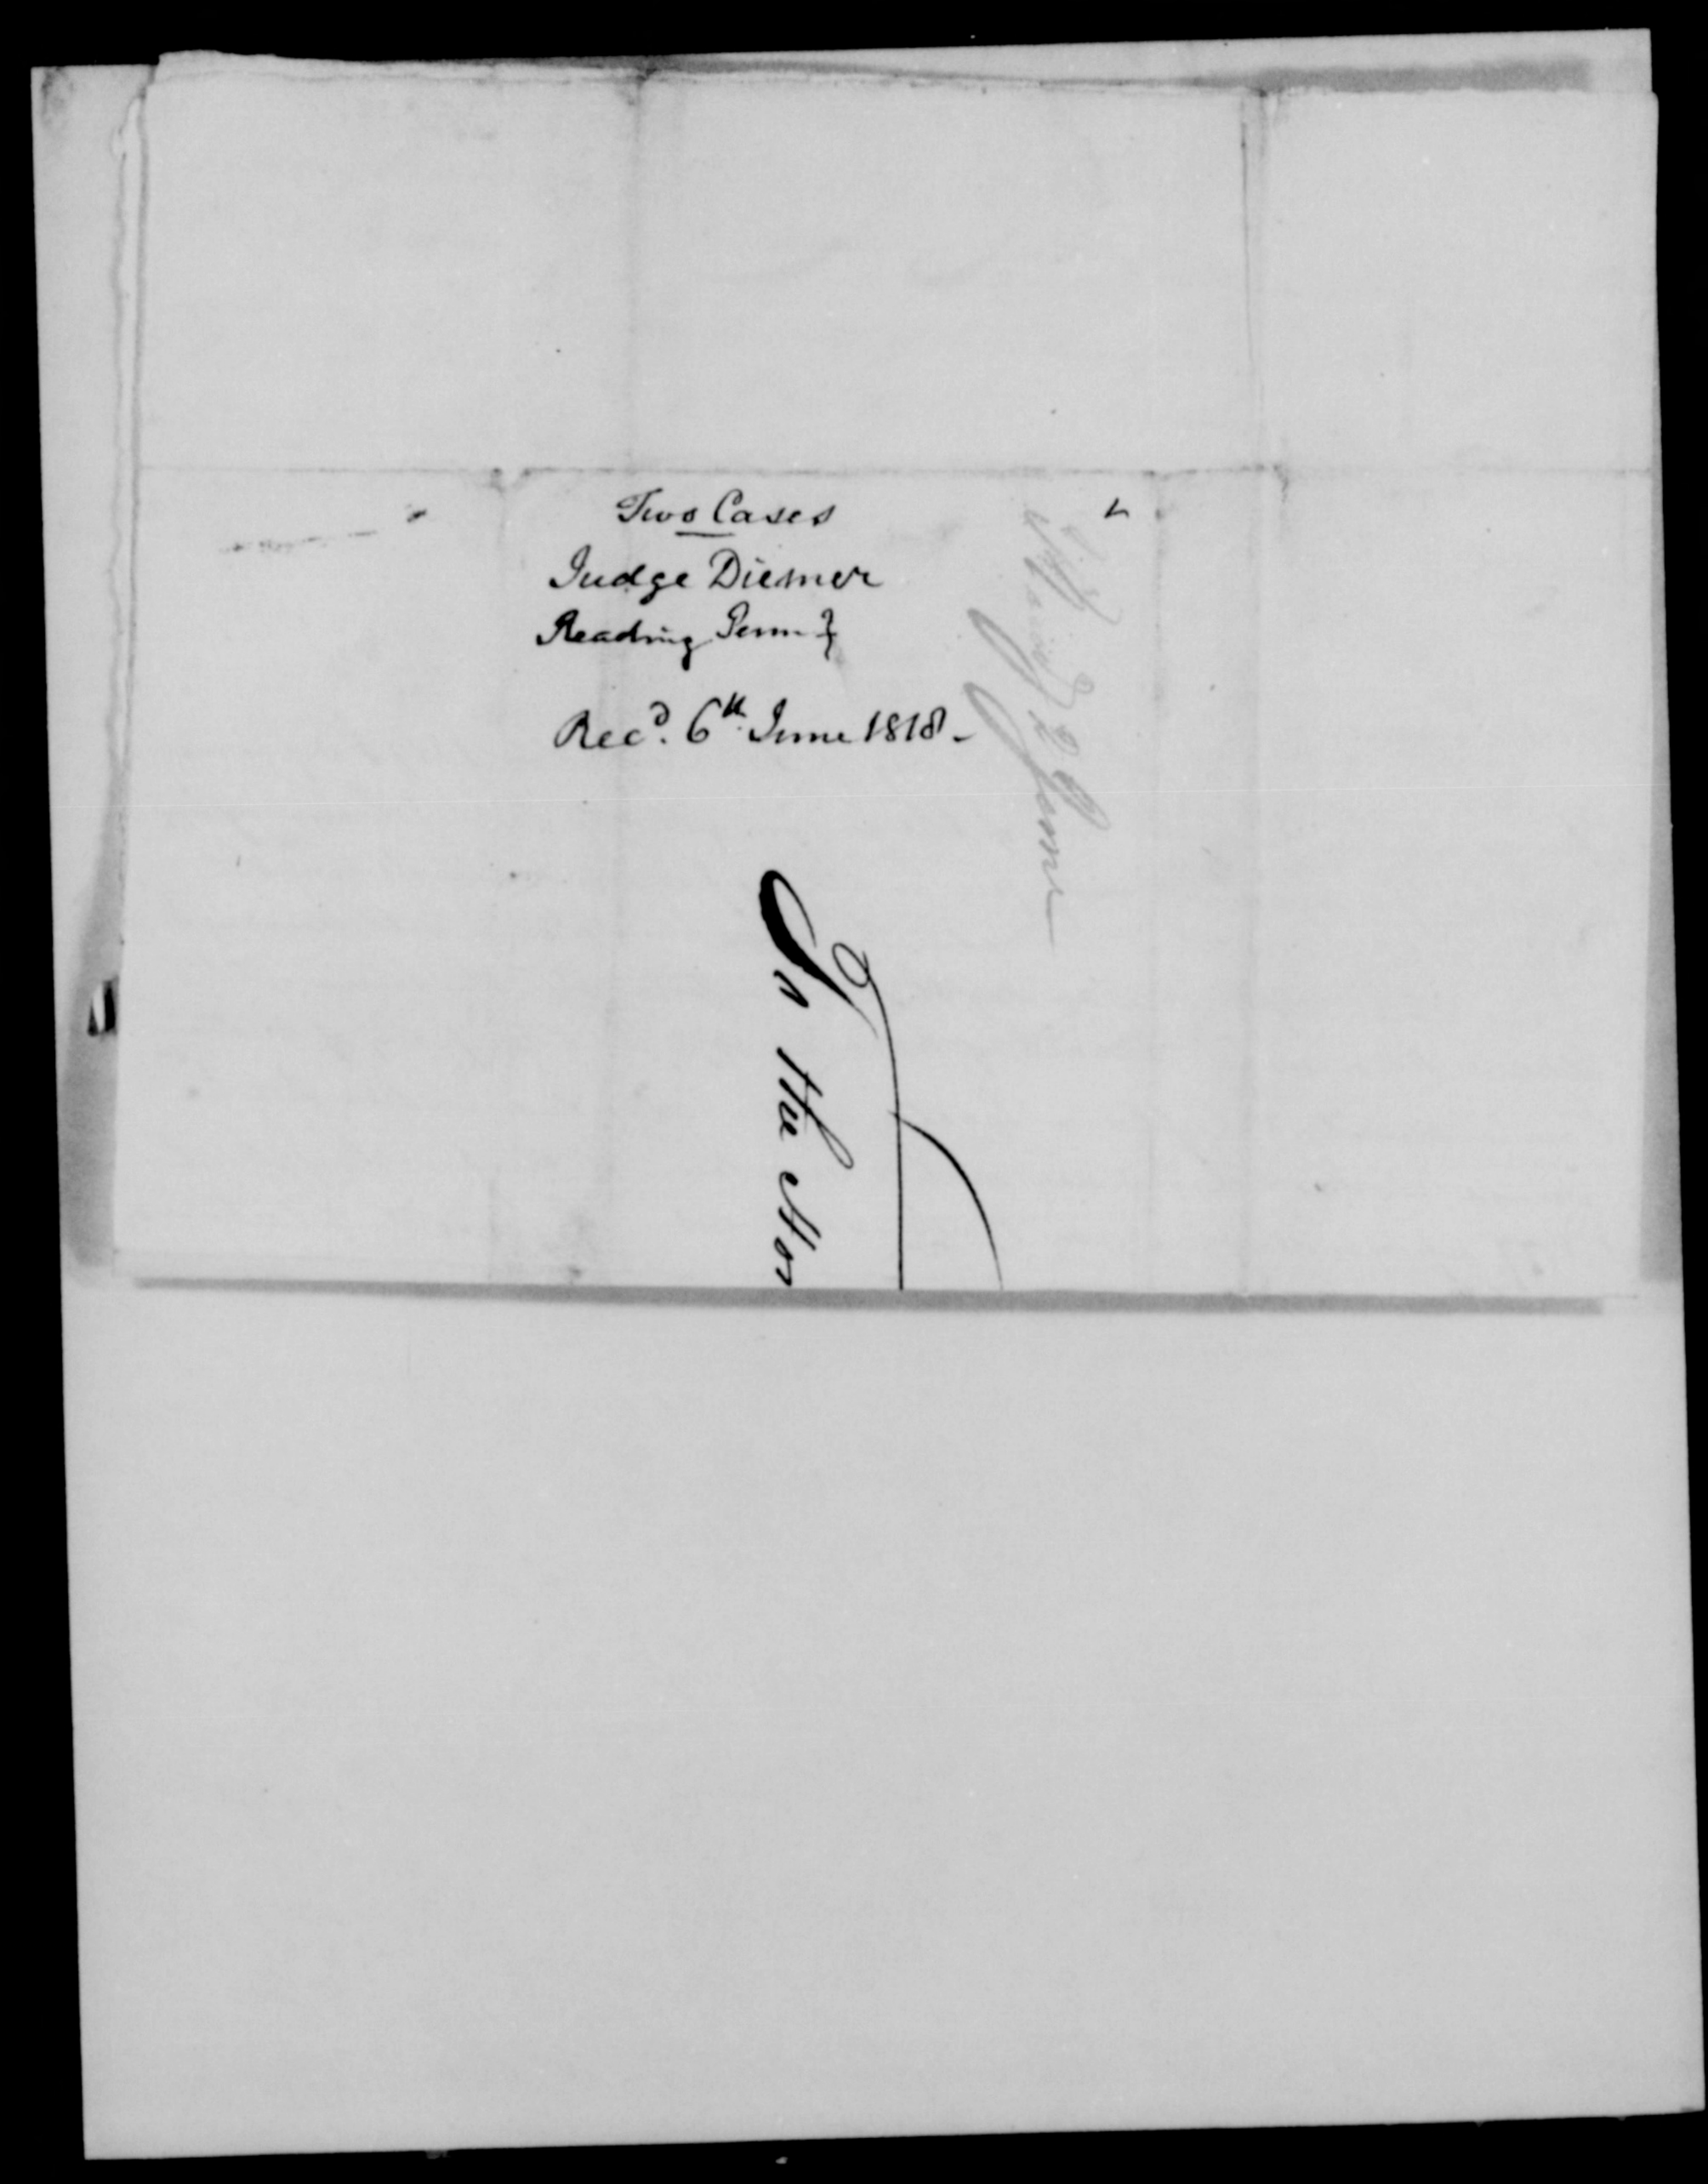Two Cases
Judge Diemer
Reading, Penna.
Received 6th June 1818.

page: 6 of 28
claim: widow's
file: W. 3163, for David Statser, Pennsylvania